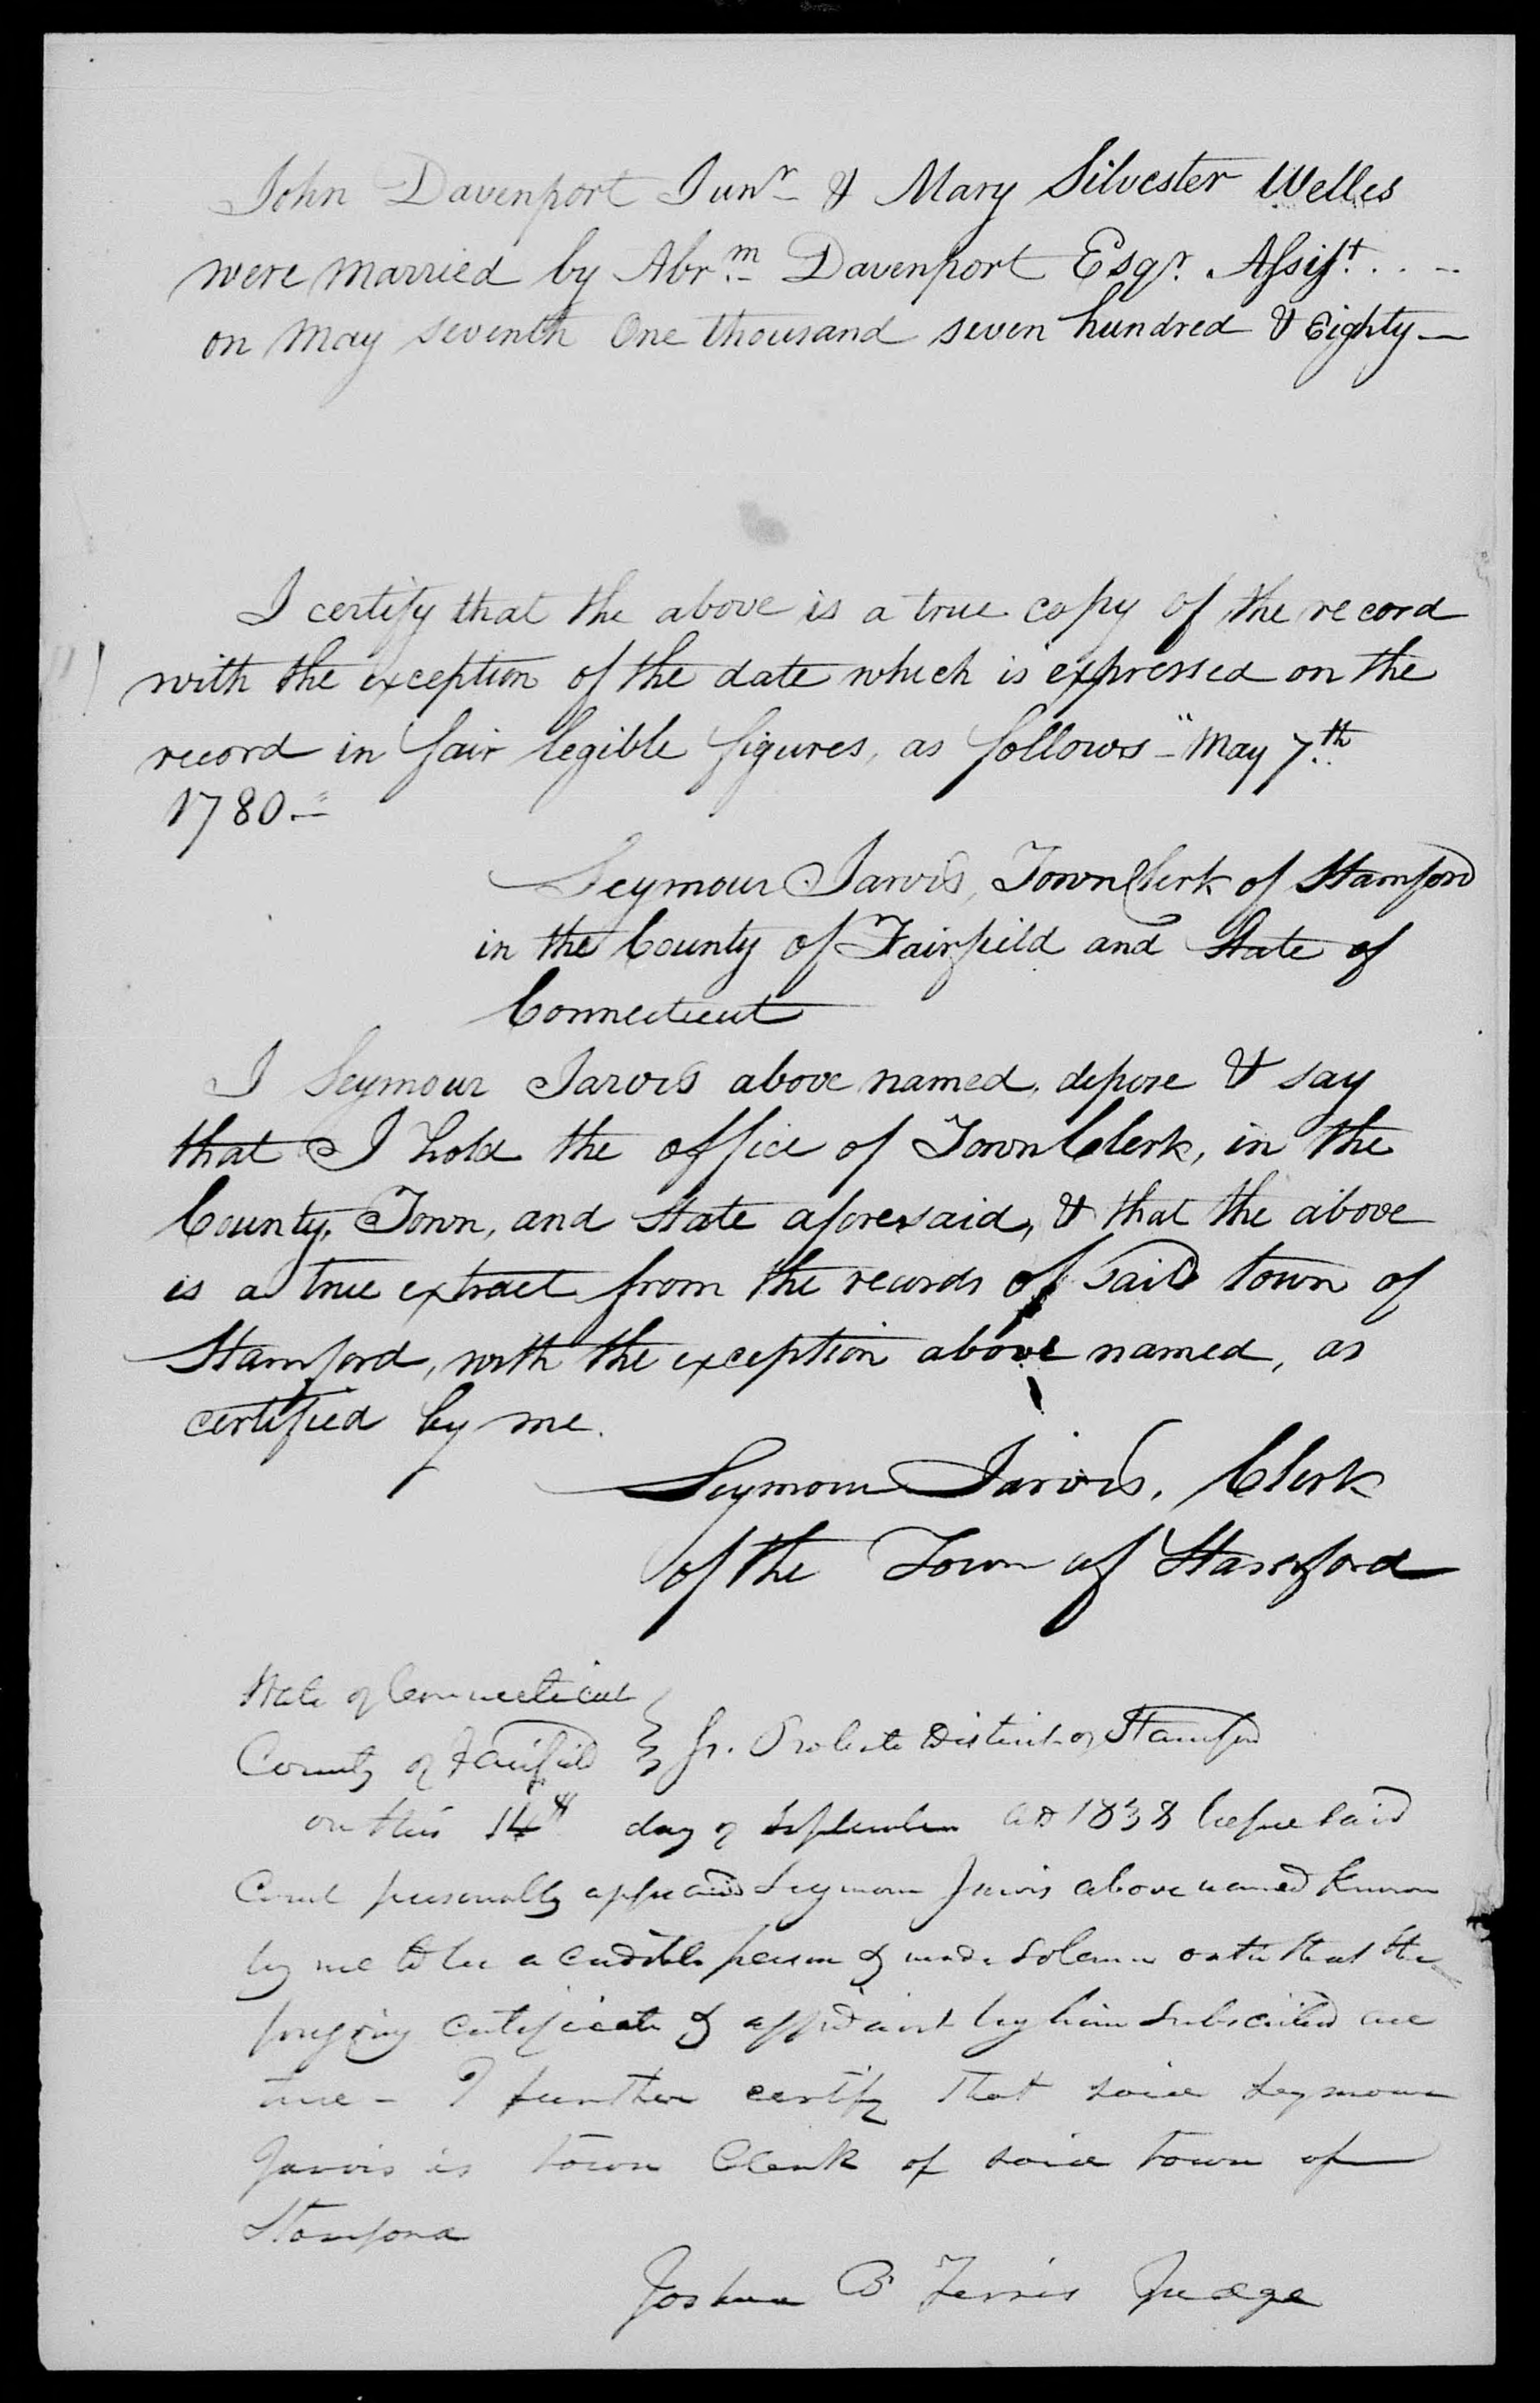John Davenport Junr & Mary Silvester Welles were married by Abrm Davenport Esq. Assit. . .  on May seventh one thousand seven hundred & eighty--

I certify that the above is a true copy of the record with the exception of the date which is expressed on the record in fair legible figures as follows-- "May 7th 1780--"

Seymour Jarvis, ,Town Clerk of Stamford in the County of Fairfield and State of Connecticut

I Seymour Jarvis above named depose & say that I hold the office of Town Clerk, in the County, Town, and State aforesaid, & that the above is a true extract from the records of said town of Stamford, with the exception above named, as certified by me.
Seymore Jarvis, Clerk
of the Town of Stamford

State of Connecticut
County of Fairfield  
fr. Probate District of Stamford
on this 14th day of September AD 1838 before said Court personally appeared Seymour Jarvis above named known personally by me to be a credible person & under solemn oath that the foregoing certificate affidavit by him subscribed are true--I further certify that said Seymour Jarvis is Town Clerk of said town of Stamford
Joshua B Ferris Judge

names: Seymour Jarvis, Abrm Davenport, Mary Silvester Welles, Seymour Jarvis, Seymour Jarvis, Seymour Jarvis, Seymour Jarvis, Joshua B Ferris, John Davenport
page: 8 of 15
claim: widow's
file: W 17711, John Davenport, Conn.